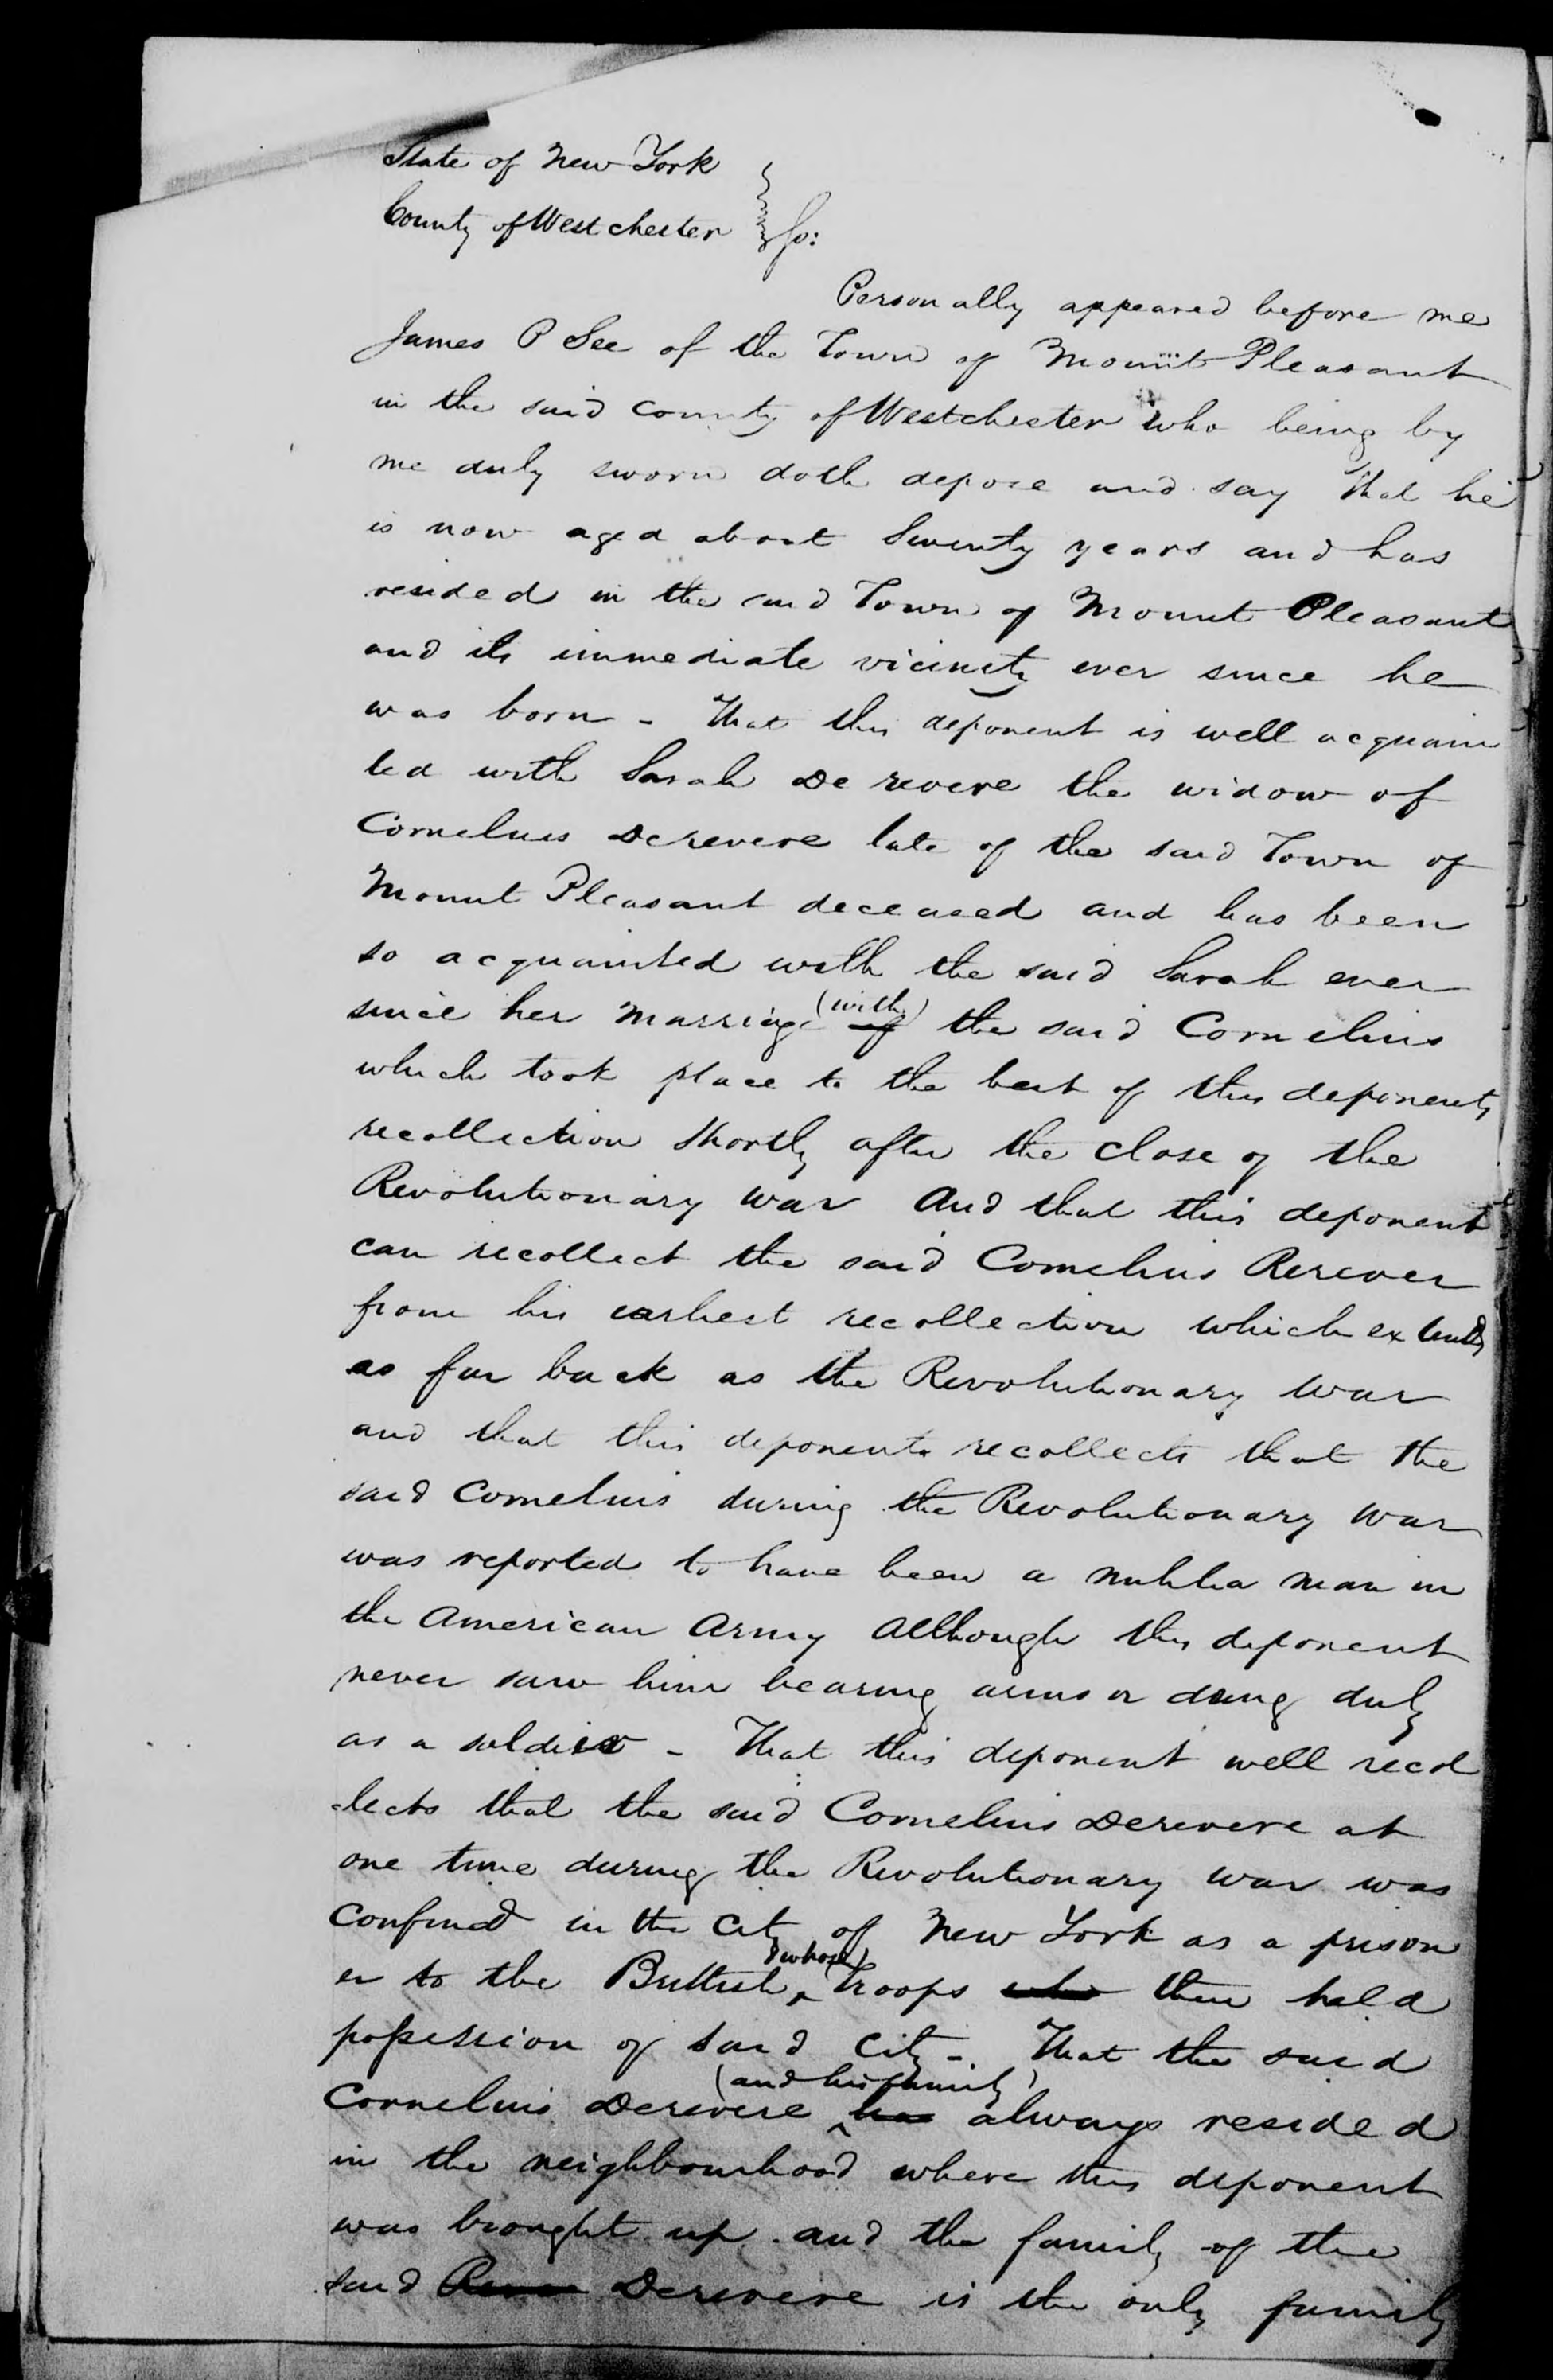State of New York
County of Westchester} ss:
Personally appeared before me James P See of the Town of Mount Pleasant in the said county of Westchester who being by me duly sworn doth depose and say that he is now aged about Seventy years and has resided in the said Town of Mount Pleasant and its immediate vicinity ever since he was born - That this deponent is well acquainted with Sarah Derevere the widow of Cornelius Derevere late of the said Town of Mount Pleasant deceased and has been so acquainted with the said Sarah ever since her marriage ["of" crossed out] (with) the said Cornelius which took place to the best of this deponents recollection Shortly after the close of the Revolutionary War And that this deponent can recollect the said Cornelius Revere from his earliest recollection which extends as far back as the Revolutionary War and that this deponent recollects that the said Cornelius during the Revolutionary War was reported to have been a militia man in the American Army although this deponent never saw him bearing arms or doing duty as a soldier - That this deponent well recollects that the said Cornelius Derevere at one time during the Revolutionary War was confined in the city of New York as a prisoner to the Brittish ^ whose troops ["who" crossed out] then held possession of Said City - That the said Cornelius Derevere ["has" crossed out] ^ (and his family) always resided in the neighborhood where this deponent was brought up and the family of the said ["Rever" crossed out] Derevere is the only family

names: Cornelius Derevere, James P See, Cornelius Derevere, Cornelius Derevere, Cornelius Rerever, Sarah Derevere, Cornelius, Cornelius, Derevere, Sarah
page: 34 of 40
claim: widow's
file: W. 24057, Cornelius De Revere, New York